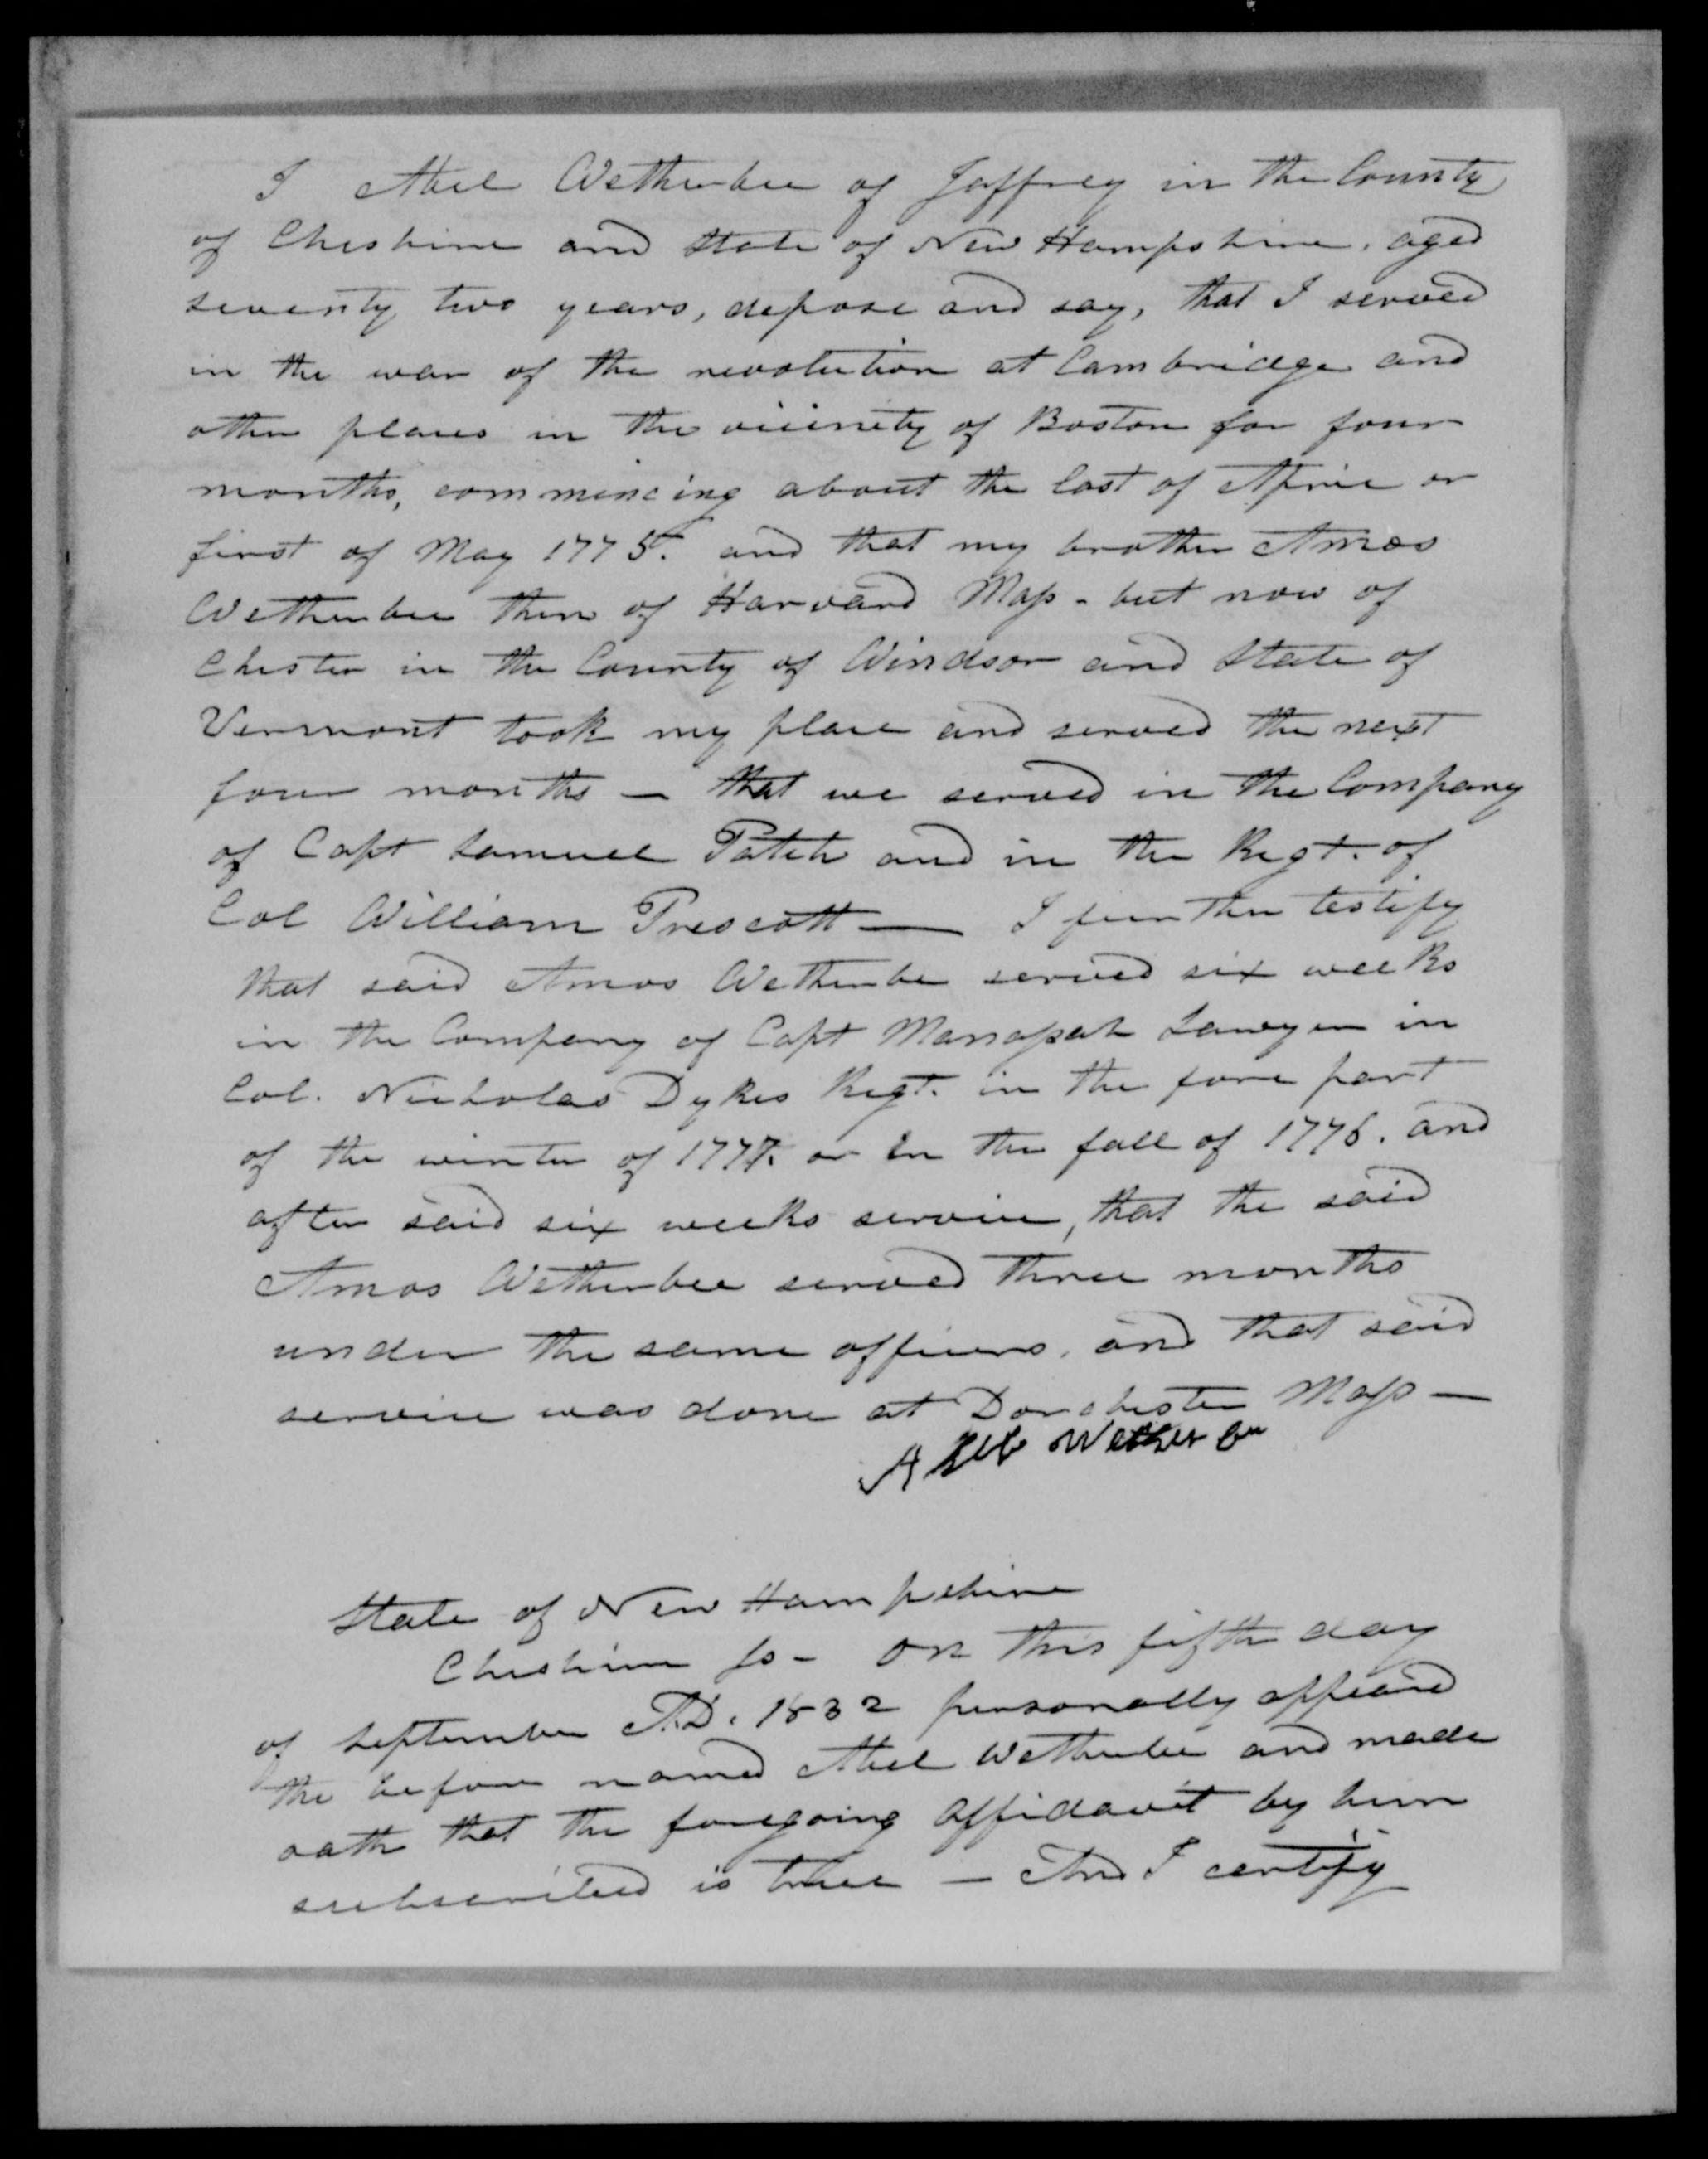I Abel Wetherbee of Jaffrey in the County of Cheshire and state of New Hampshire, aged seventy two years, depose and say that I served in the war of the revolution at Cambridge and other places in the vicinity of Boston for four months commencing about the last of April or first of May 1775 and that my brother Amos Wetherbee then of Harvard Mass. but now of Chester in the County of Windsor and state of Vermont, took my place and served the next four months--that we served in the Company of 
Capt. Samuel Patch and in the regt. of Col. William Prescott--I further testify that said Amos Wetherbee served six weeks in the Company of Capt. Manassah Sawyer in Col. Nicholas Dykes Regt. in the fore part of the winter of 1777 or in the fall of 1776 and after said six weeks service, that the said Amos Wetherbee served three months under the same officers and that said service was done at Dorchester Mass.
Abel Wetherbee

State of New Hampshire
Cheshire SS. On this fifth day of September A. D. 1832 personally appeared the before named Abel Wetherbee and made oath that the foregoing affidavit by him subscribed is true. And I certify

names: Manassah Sawyer, Amos Wetherbee, William Prescott, Samuel Patch, Abel Wetherbee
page: 27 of 66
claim: widow's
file: W. 2468, Amos Wetherbee, Mass.